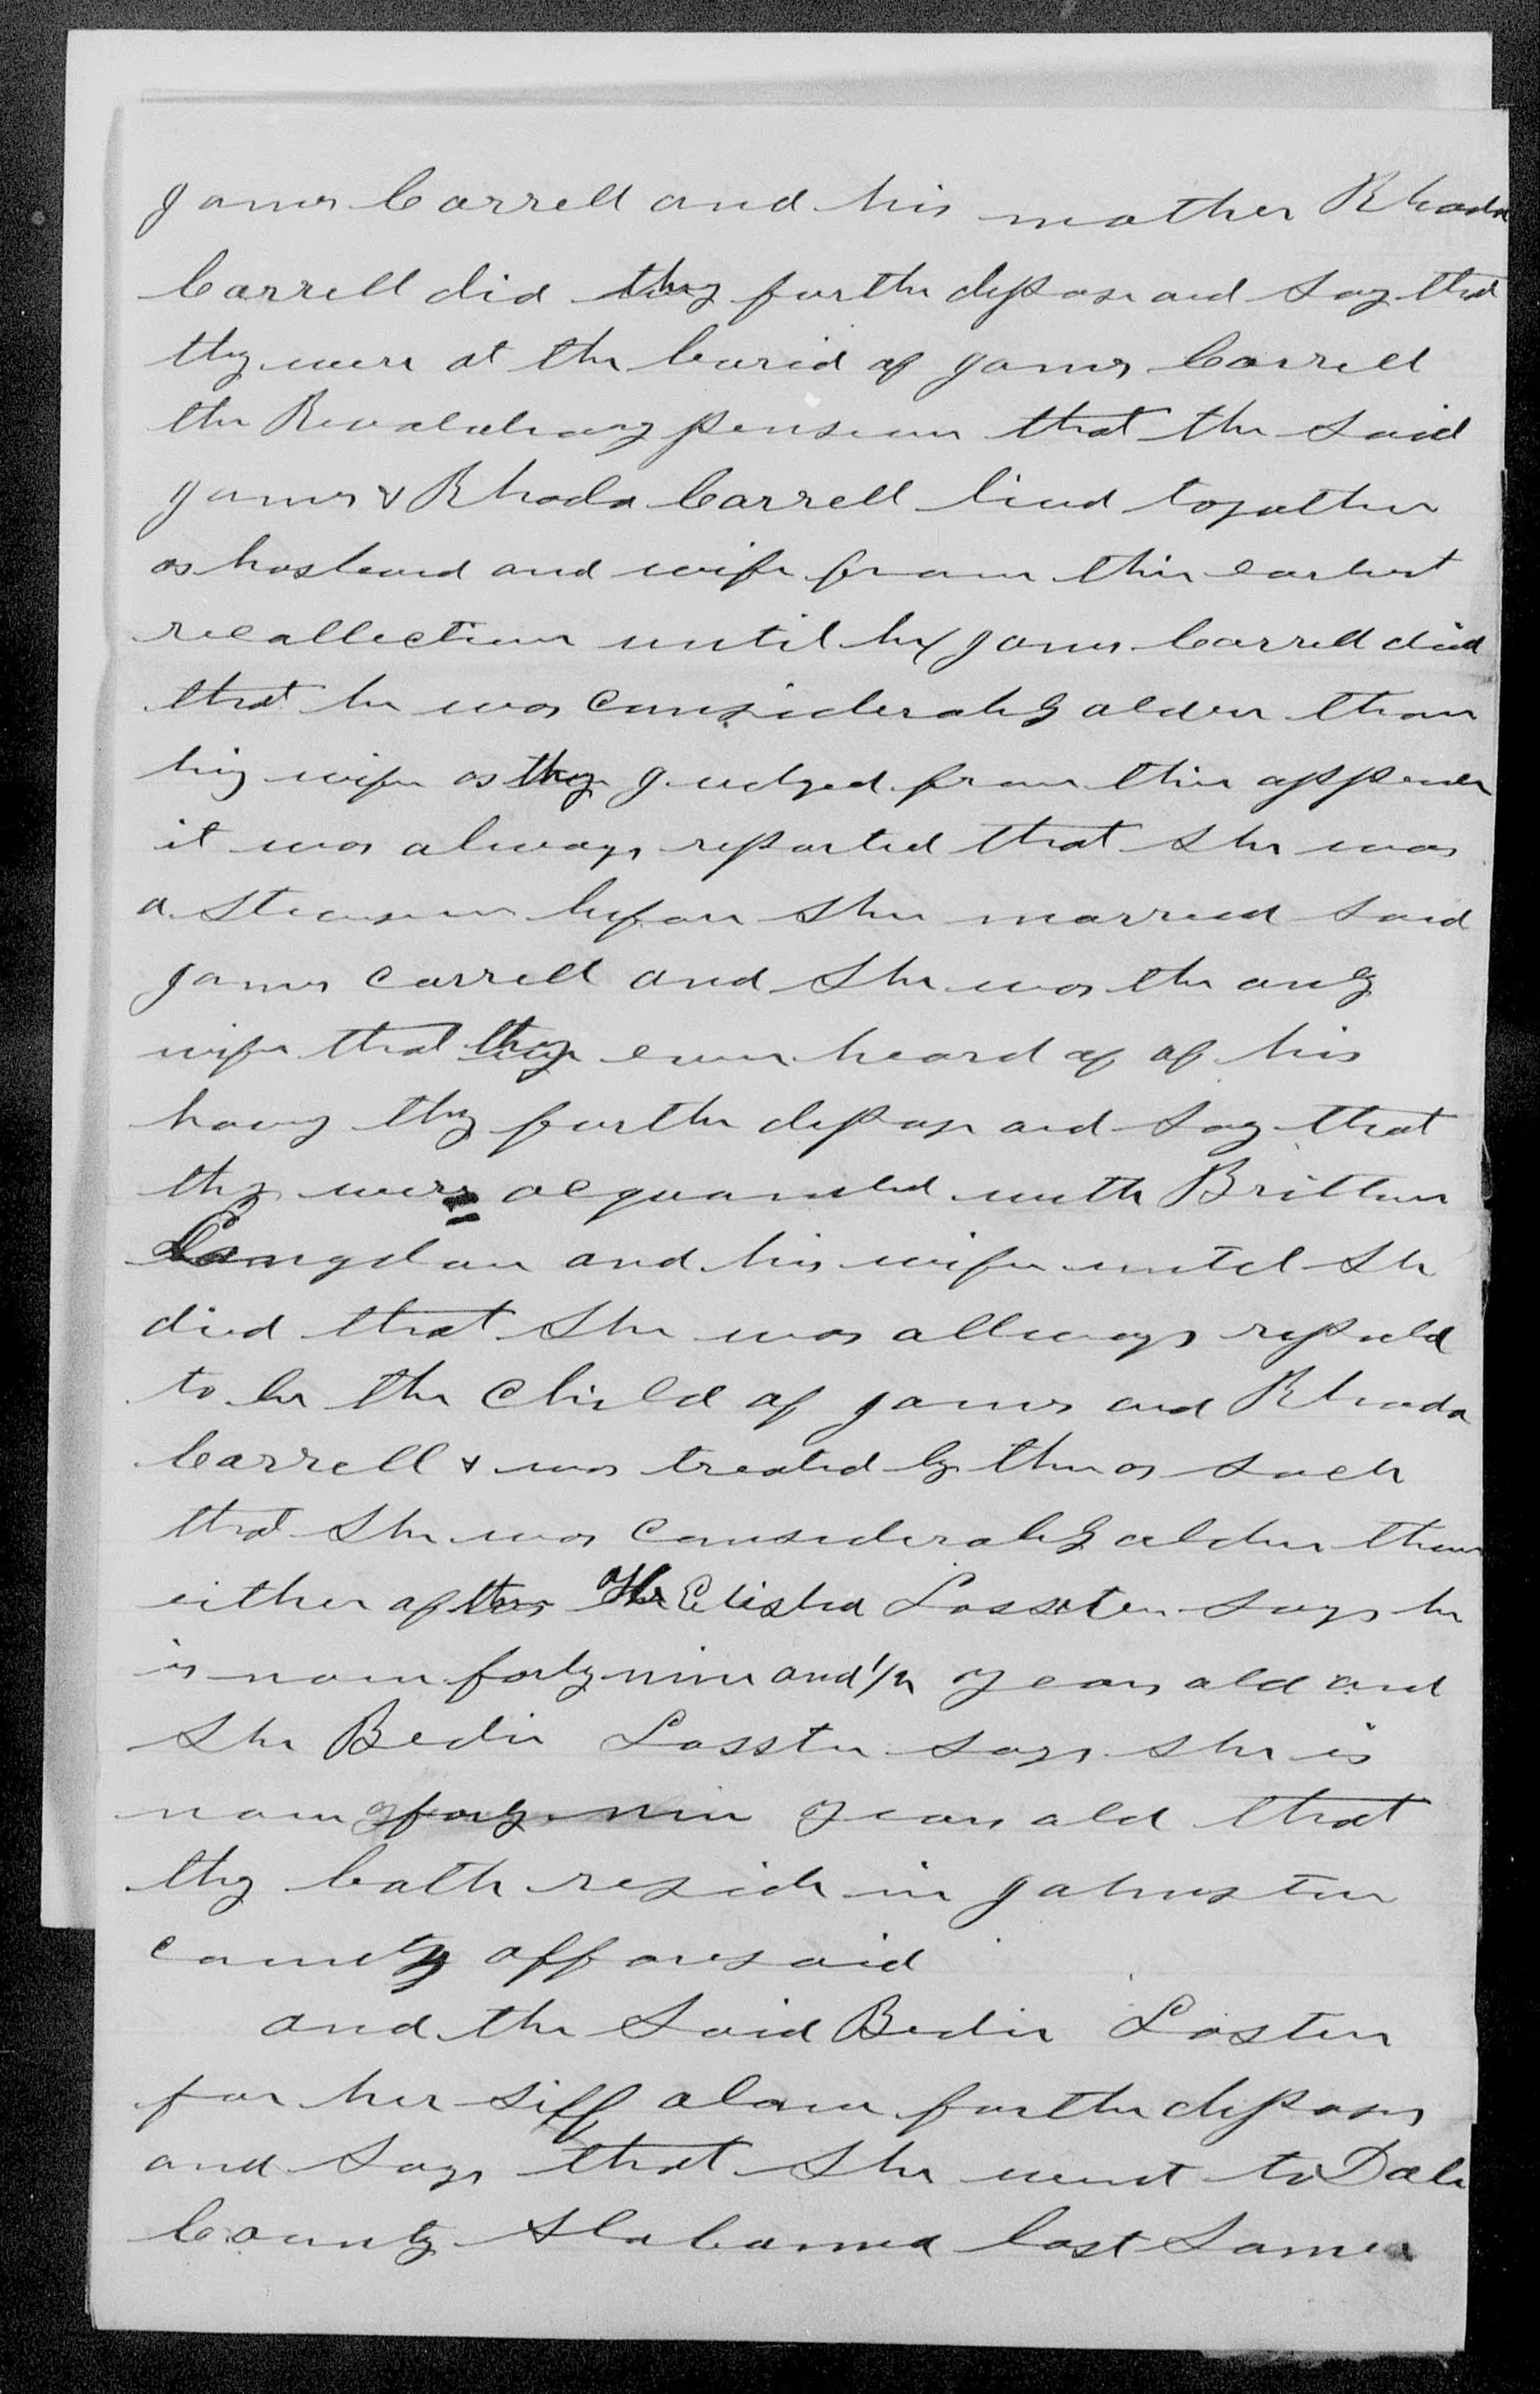James Carrell and his mother Rhoda Carroll did they  further depose and say that they were at the burial of  James Carroll the Revolutionary pensioner that the said James and Rhoda Carroll lived together as husband and wife from their earliest recollection until James Carroll died that he was considered older than his wife as they judged from their appearance it was always reported that she was a [illegible] before she married said James Carroll and she was the only wife that they ever heard of of his having they forth  depose and say that they were acquainted with Bedie Lassiter and his wife until she died that she was always reported to be the child of Rhoda and James Lassiter and was treated by them or such that she was consideredly older than within after [illegible] Elisha Lassiter says he is [illegible] forty  nine and 1/2 years old and she Bedin Lassiter says she is [illegible] or forty nine years old that they both resided in Jameston county  aforesaid.
     And the said Bedin Lasterr for her self alone further deposes and says that she went to Dale County she learned last summer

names: Rhoda Carrell, Rhoda Carrell, James Carrell, James Carrell, Elisha Lassiter, James Carrell, James Carrell, Rhoda Carrell, Bedie Laster, Bedie Lassiter, James Carrell, James Carrell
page: 57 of 86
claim: widow's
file: W. 6899, James Carrell, N.C.